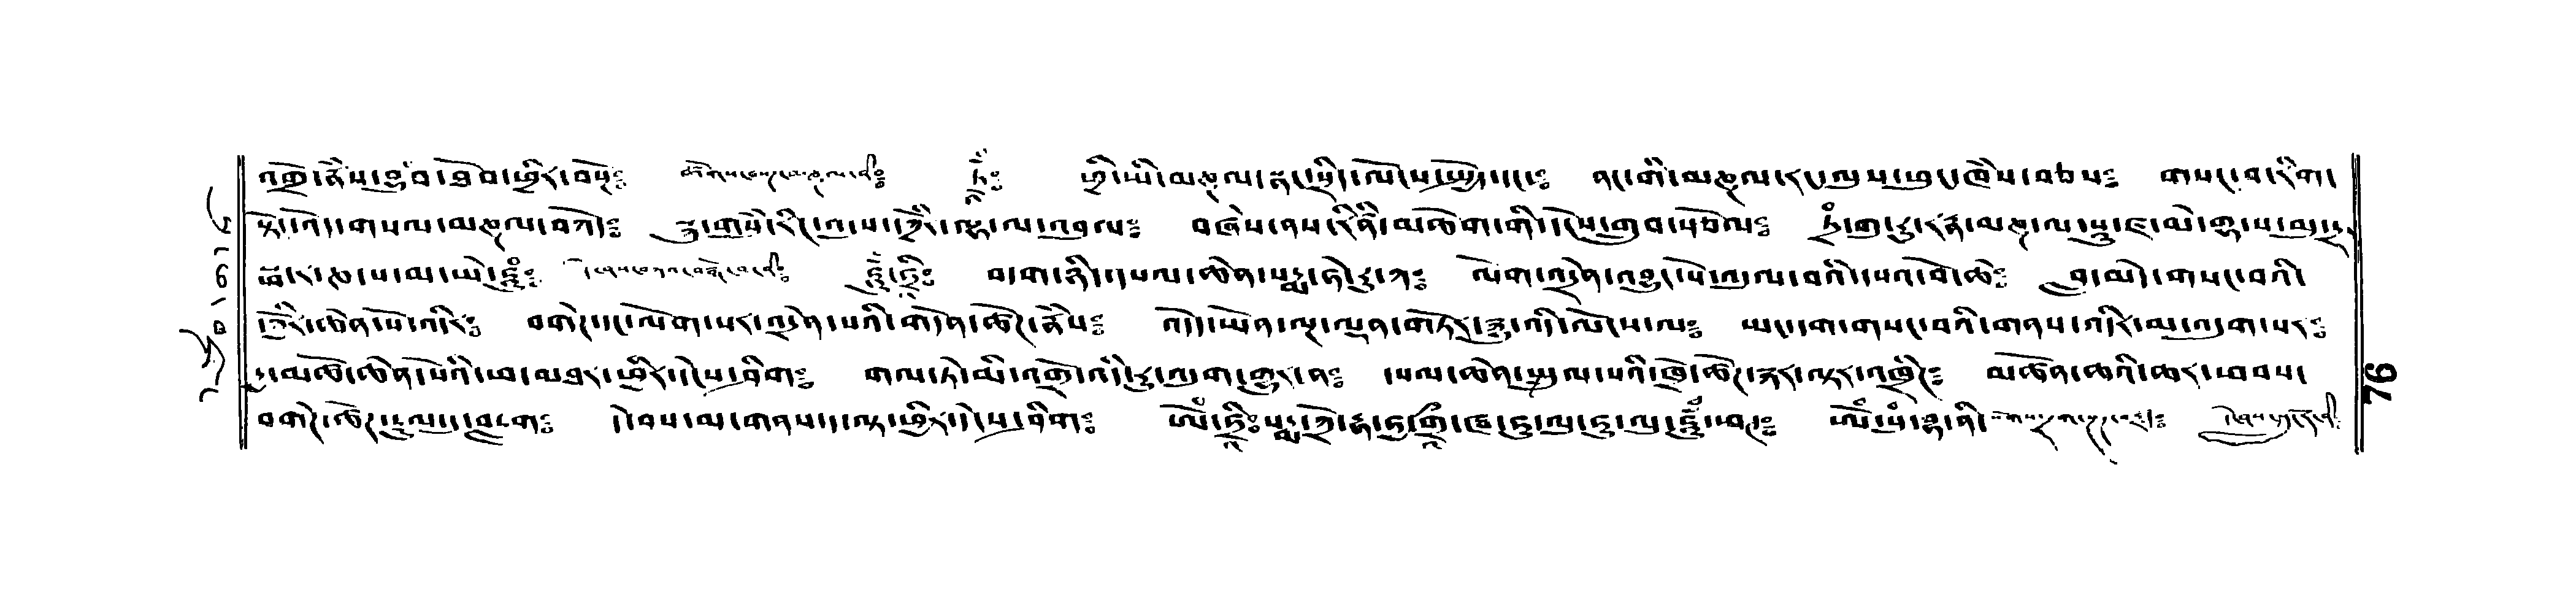འགྲོ་རྣམས་བྱང་ཆུབ་ཐོབ་ཕྱིར་བསྔོ༔ ཚོགས་བསགས་མཎྜལ་ནི༔ ཏྲཱྃ༔ ཕྱི་ཡི་མཎྜལ་སྣང་སྲིད་ལོངས་སྤྱོད་དང༔ ནང་གི་མཎྜལ་རང་ལུས་ཕུང་ཁམས་བཅས༔ གསང་བ་རིག་
སྟོང་འོད་གསལ་མཎྜལ་བཀོད༔ སྐུ་གསུམ་རིགས་འདུས་དཀྱིལ་འཁོར་ལྷ་ལ་འབུལ༔ བཞེས་ནས་རིག་འཛིན་མཆོག་གི་དངོས་གྲུབ་སྩོལ༔ ཏྲཾ་གུ་རུ་རཏྣ་མཎྜ་ལ་པཱུ་ཛ་མེ་གྷ་ས་མུ་དྲ་
སྥ་ར་ཎ་ས་མ་ཡེ་ཧཱུྃ༔ དེ་ནས་བཀའ་བསྒོ་བ་ནི༔ ཧཱུྃ་ཧྲཱིཿ བདག་ཉིད་དཔལ་ཆེན་པདྨ་ཧེ་རུ་ཀ༔ལོག་འདྲེན་འབྱུང་པོ་འདུལ་བའི་དཔའ་བོ་ཆེ༔ བླ་མེད་གསང་བའི་
དཀྱིལ་འཁོར་ཆེན་པོ་འདིར༔ བགེགས་དང་ལོག་པར་འདྲེན་པའི་གདོན་ཚོགས་རྣམས༔ འདོད་ཡོན་ལྔ་ལྡན་གཏོར་སྐྱུ་འདི་ལོངས་ལ༔ ཡང་དག་གསང་བའི་གནས་འདིར་མ་འདུག་པར༔ 
རྒྱ་མཚོ་ཆེན་པོའི་ཕ་མཐར་ཕྱིར་དེངས་ཤིག༔ གལ་ཏེ་མི་འགྲོ་འདི་རུ་འདུག་གྱུར་ན༔ དཔལ་ཆེན་སྤྲུལ་པའི་ཁྲོ་ཚོགས་སྐར་ལྟར་འཁྲིགས༔ མཚོན་ཆའི་ཆར་ཕབས་
བགེགས་ཚོགས་རྡུལ་དུ་བརླག༔ དེ་བས་མ་གནས་ད་ལྟ་ཕྱིར་དེངས་ཤིག༔ ཨོཾ་ཧྲཱིཿཔདྨ་ཀྲོ་དྷ་ཧྱ་གྲཱྀ་ཝ་ཧུ་ལུ་ཧུ་ལུ་ཧྃའུ་ཕཊ༔ ཨོཾ་སུཾ་བྷ་ནི༴ སོགས་དྲག་སྔགས་བརྗོད༔ དེ་ནས་སྲུང་འཁོར་ནི༔